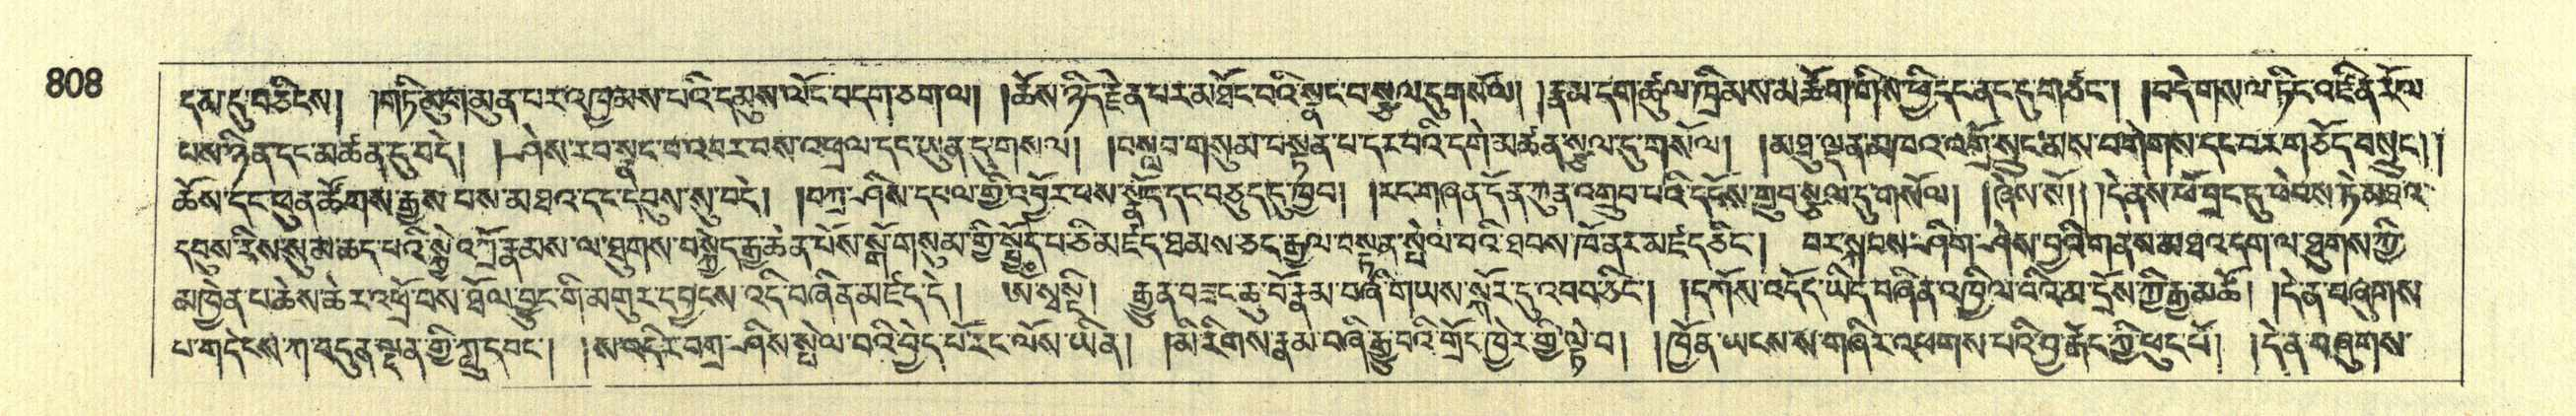དམ་དུ་བཅིངས། །གཏི་མུག་མུན་པར་འཁྱམས་པའི་དམུས་ལོང་བདག་ཅག་ལ། །ཆོས་ཉིད་རྗེན་པར་མཐོང་བའི་སྣང་བ་སྩལ་དུ་གསོལ། །རྣམ་དག་ཚུལ་ཁྲིམས་མཆོག་གིས་ཕྱི་དང་ནང་དུ་གཙང་། །བདེ་གསལ་ཏིང་འཛིན་རོལ་
པས་ཉིན་དང་མཚན་དུ་བདེ། །ཤེས་རབ་སྣང་བ་འབར་བས་འཕྲལ་དང་ཡུན་དུ་གསལ། །བསླབ་གསུམ་བསྟན་པ་དར་བའི་དགེ་མཚན་སྩལ་དུ་གསོལ། །མཐུ་ལྡན་མཁའ་འགྲོ་སྲུང་མས་བགེགས་དང་བར་གཅོད་བསྲུང་། །
ཆོས་དང་ཕུན་ཚོགས་རྒྱས་པས་མཐའ་དང་དབུས་སུ་བདེ། །བཀྲ་ཤིས་དཔལ་གྱི་འབྱོར་པས་སྣོད་དང་བཅུད་དུ་ཁྱབ། །རང་གཞན་དོན་ཀུན་འགྲུབ་པའི་དངོས་གྲུབ་སྩལ་དུ་གསོལ། །ཞེས་སོ།། །དེ་ནས་ཕོ་བྲང་དུ་ཕེབས་ཏེ་མཐའ་
དབུས་རིས་སུ་མ་ཆད་པའི་སྐྱེ་འགྲོ་རྣམས་ལ་ཐུགས་བསྐྱེད་རྒྱ་ཆེན་པོས་སྒོ་གསུམ་གྱི་སྤྱོད་པ་ཅི་མཛད་ཐམས་ཅད་རྒྱལ་བསྟན་སྤེལ་བའི་ཐབས་ཁོ་ནར་མཛད་ཅིང་། བར་སྐབས་ཤིག་ཤེས་བྱའི་གནས་མཐའ་དག་ལ་ཐུགས་ཀྱི་
མཁྱེན་པ་ཆེས་ཆེར་འཕྲོ་བས་ཐོལ་བྱུང་གི་མགུར་དབྱངས་འདི་བཞིན་མཛད་དེ། ཨོཾ་སྭསྡི། རྒྱུན་བཟང་ཆུ་བོ་རྣམ་བཞི་གཡས་སྐོར་དུ་འབབ་ཅིང་། །དཀོས་འདོད་ཡིད་བཞིན་འཁྱིལ་བའི་མ་དྲོས་ཀྱི་རྒྱ་མཚོ། །དེ་ན་བཞུགས་
པ་གདེངས་ཀ་བདུན་ལྡན་གྱི་ཀླུ་དབང་། །ས་འདིར་བཀྲ་ཤིས་སྤེལ་བའི་བྱེད་པོ་རང་ལོས་ཡིན། །མི་རིགས་རྣམ་བཞི་རྒྱུ་བའི་གྲོང་ཁྱེར་གྱི་ལྟེ་བ། །ཁྱོན་ཡངས་ས་གཞིར་འཕགས་པའི་བྱ་རྒོད་ཀྱི་ཕུང་པོ། །དེ་ན་བཞུགས་